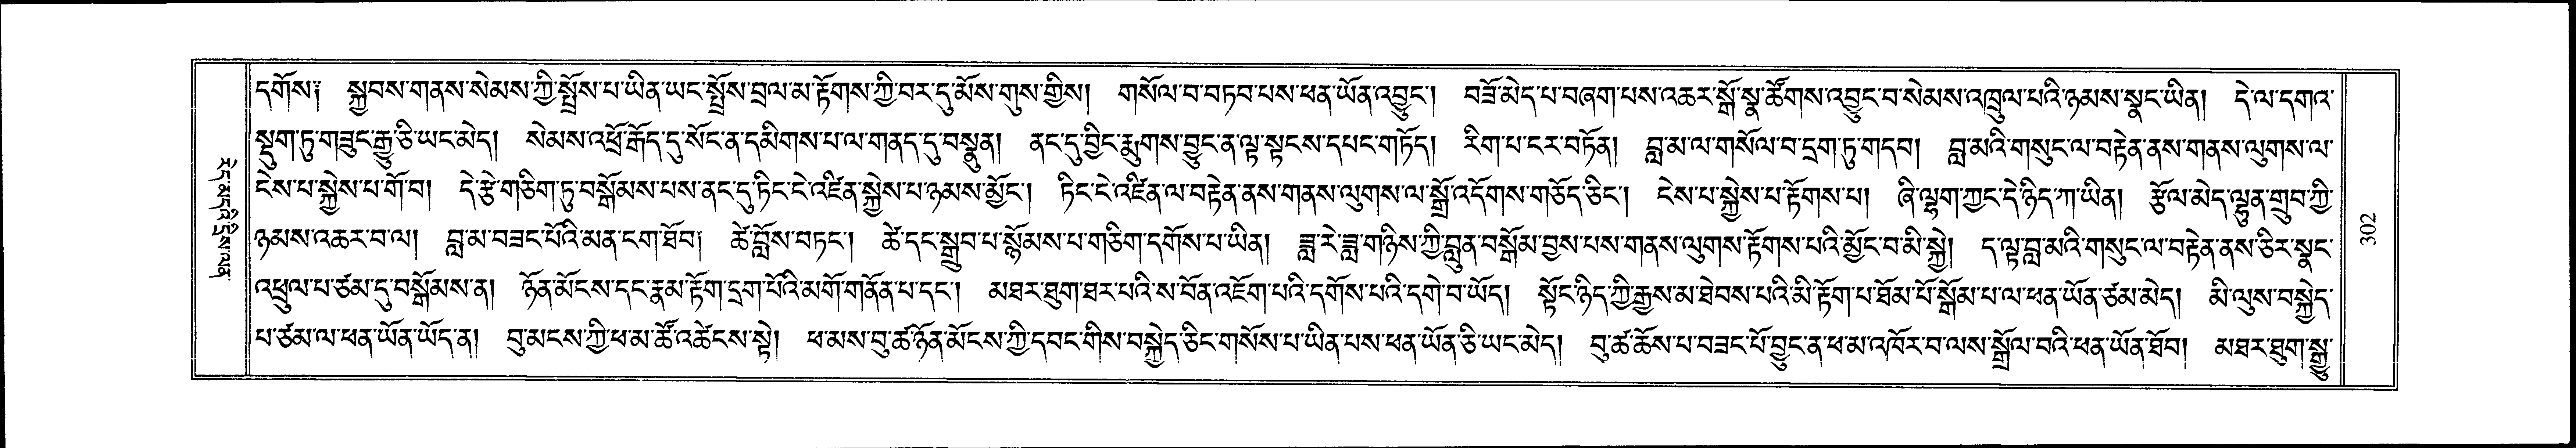དགོས། སྐྱབས་གནས་སེམས་ཀྱི་སྤྲོས་པ་ཡིན་ཡང་སྤྲོས་བྲལ་མ་རྟོགས་ཀྱི་བར་དུ་མོས་གུས་གྱིས། གསོལ་བ་བཏབ་པས་ཕན་ཡོན་འབྱུང་། བཟོ་མེད་པ་བཞག་པས་འཆར་སྒོ་སྣ་ཚོགས་འབྱུང་བ་སེམས་འཁྲུལ་བའི་ཉམས་སྣང་ཡིན། དེ་ལ་དགའ་
སྡུག་ཏུ་གཟུང་རྒྱུ་ཅི་ཡང་མེད། སེམས་འཕྲོ་རྒོད་དུ་སོང་ན་དམིགས་པ་ལ་གནད་དུ་བསྣུན། ནང་དུ་བྱིང་རྨུགས་བྱུང་ན་ལྟ་སྟངས་དཔང་གཏོད། རིག་པ་ངར་བཏོན། བླ་མ་ལ་གསོལ་བ་དྲག་ཏུ་གདབ། བླ་མའི་གསུང་ལ་བརྟེན་ནས་གནས་ལུགས་ལ་
ངེས་པ་སྐྱེས་པ་གོ་བ། དེ་རྩེ་གཅིག་ཏུ་བསྒོམས་པས་ནང་དུ་ཏིང་ངེ་འཛིན་སྐྱེས་པ་ཉམས་མྱོང་། ཏིང་ངེ་འཛིན་ལ་བརྟེན་ནས་གནས་ལུགས་ལ་སྒྲོ་འདོགས་གཅོད་ཅིང་། ངེས་པ་སྐྱེས་པ་རྟོགས་པ། ཞི་ལྷག་ཀྱང་དེ་ཉིད་ཀ་ཡིན། རྩོལ་མེད་ལྷུན་གྲུབ་ཀྱི་
ཉམས་འཆར་བ་ལ། བླ་མ་བཟང་པོའི་མན་ངག་ཐོབ། ཚེ་བློས་བཏང་། ཚེ་དང་སྒྲུབ་པ་སྙོམས་པ་གཅིག་དགོས་པ་ཡིན། ཟླ་རེ་ཟླ་གཉིས་ཀྱི་བླུན་བསྒོམ་བྱས་པས་གནས་ལུགས་རྟོགས་པའི་མྱོང་བ་མི་སྐྱེ། ད་ལྟ་བླ་མའི་གསུང་ལ་བརྟེན་ནས་ཅིར་སྣང་
འཕྲུལ་པ་ཙམ་དུ་བསྒོམས་ན། ཉོན་མོངས་དང་རྣམ་རྟོག་དྲག་པོའི་མགོ་གནོན་པ་དང་། མཐར་ཐུག་ཐར་པའི་ས་བོན་འཇོག་པའི་དགོས་པའི་དགེ་བ་ཡོད། སྟོང་ཉིད་ཀྱི་རྒྱས་མ་ཐེབས་པའི་མི་རྟོག་པ་ཐོབ་པོ་སྒོམ་པ་ལ་ཕན་ཡོན་ཙམ་མེད། མི་ལུས་བསྐྱེད་
པ་ཙམ་ལ་ཕན་ཡོན་ཡོད་ན། བུ་མངས་ཀྱི་ཕ་མ་ཚོ་འཚེངས་སྟེ། ཕ་མས་བུ་ཚ་ཉོན་མོངས་ཀྱི་དབང་གིས་བསྐྱེད་ཅིང་གསོས་པ་ཡིན་པས་ཕན་ཡོན་ཅི་ཡང་མེད། བུ་ཚ་ཆོས་པ་བཟང་པོ་བྱུང་ན་ཕ་མ་འཁོར་བ་ལས་སྒྲོལ་བའི་ཕན་ཡོན་ཐོབ། མཐར་ཐུག་སྒྱུ་